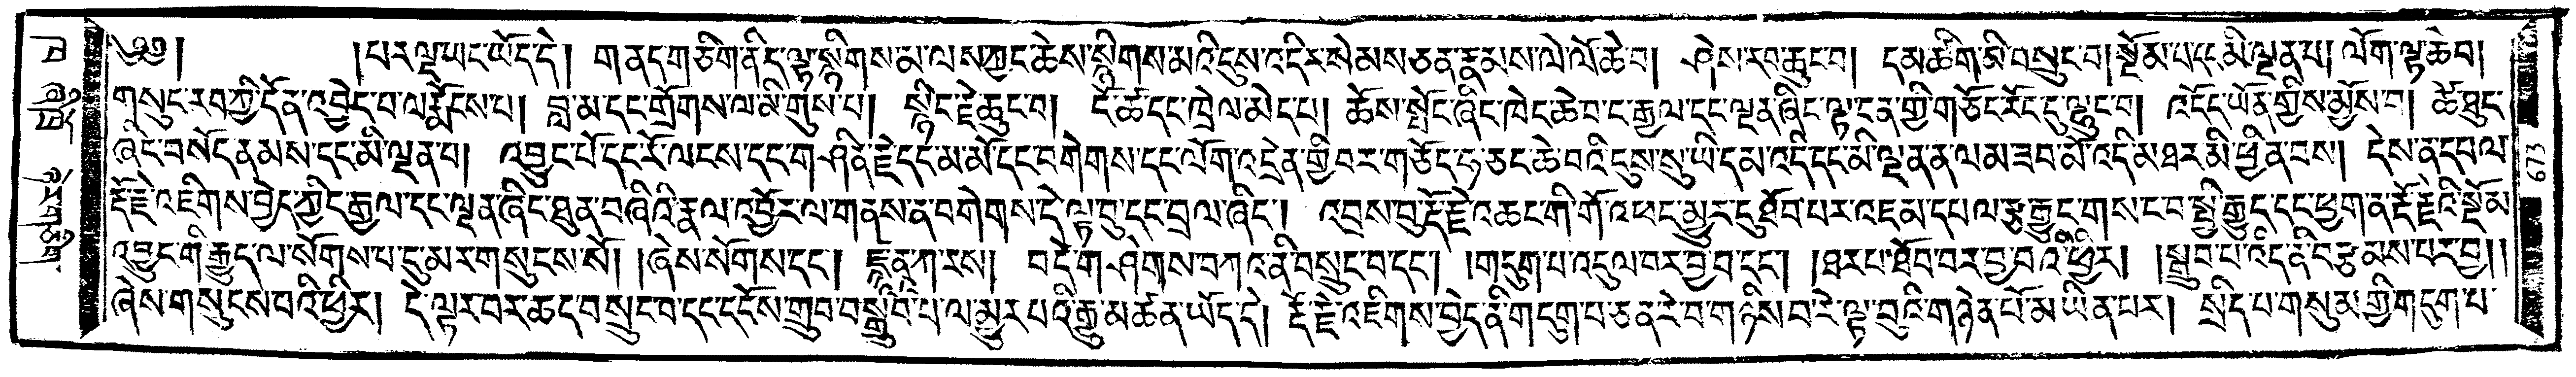༄༅། །པར་ལྔ་ཡང་ཡོད་དེ། གནད་གཅིག་ནི་ད་ལྟ་སྙིགས་མ་ལས་ཀྱང་ཆེས་སྙིགས་མའི་དུས་འདིར་སེམས་ཅན་རྣམས་ལེ་ལོ་ཆེ་བ། ཤེས་རབ་ཆུང་བ། དམ་ཚིག་མི་བསྲུང་བ། སྡོམ་པ་དང་མི་ལྡན་པ། ལོག་ལྟ་ཆེ་བ།
གསུང་རབ་ཀྱི་དོན་འབྱེད་པ་ལ་རྨོངས་པ། བླ་མ་དང་གྲོགས་ལ་མི་གུས་པ། སྙིང་རྗེ་ཆུང་བ། ངོ་ཚ་དང་ཁྲེལ་མེད་པ། ཆོས་སྤོང་ཞིང་ཁེང་ཆེ་བ་ང་རྒྱལ་དང་ལྡན་ཞིང་ལྟ་ངན་གྱི་གཅོང་རོང་དུ་ལྷུང་བ། འདོད་ཡོན་གྱིས་མྱོས་བ། ཚེ་ཐུང་
ཞིང་བསོད་ནམས་དང་མི་ལྡན་པ། འབྱུང་པོ་དང་རོ་ལངས་དང་གཤིན་ཇེ་དང་མ་མོ་དང་བགེགས་དང་ལོག་འདྲེན་གྱི་བར་གཅོད་ཧ་ཅང་ཆེ་བའི་དུས་སུ་ཡི་དམ་འདི་དང་མི་ལྡན་ན་ལམ་ཟབ་མོ་འདི་མཐར་མི་ཕྱིན་བས། དེས་ན་དཔལ་
རྡོ་རྗེ་འཇིགས་བྱེད་ཀྱི་ང་རྒྱལ་དང་ལྡན་ཞིང་ཐུན་བཞིའི་རྣལ་འབྱོར་ལ་གནས་ན་བགེགས་དེ་ལྟ་བུ་དང་བྲལ་ཞིང་། འབྲས་བུ་རྡོ་རྗེ་འཆང་གི་གོ་འཕང་མྱུར་དུ་ཐོབ་པར་འཇམ་དཔལ་རྩ་རྒྱུད་གསང་བ་སྤྱི་རྒྱུད་དང་ཕྱག་ན་རྡོ་རྗེའི་སྡོམ་
འབྱུང་གི་རྒྱུད་ལ་སོགས་པ་དུ་མར་གསུངས་སོ། །ཞེས་སོགས་དང་། ཛྙཱ་ནཱ་ཀ་རས། བདེ་གཤེགས་བཀའ་ནི་བསྲུང་བ་དང་། །གདུག་པ་འདུལ་བར་བྱ་བ་དང་། །ཐར་པ་ཐོབ་བར་བྱ་བའི་ཕྱིར། །སྒྲུབ་པ་འདི་ནི་བརྩམས་པར་བྱ།།
ཞེས་གསུངས་པའི་ཕྱིར། དེ་ལྟར་བར་ཆད་བསྲུང་བ་དང་དངོས་གྲུབ་བསྒྲུབ་པ་ལ་མྱུར་པའི་རྒྱུ་མཚན་ཡོད་དེ། རྡོ་རྗེ་འཇིགས་བྱེད་ནི་གདུག་པ་ཅན་རེ་བ་གཉིས་པ་རེ་ལྟ་བུའི་གཉེན་པོ་མ་ཡིན་པར། སྲིད་པ་གསུམ་གྱི་གདུག་པ་